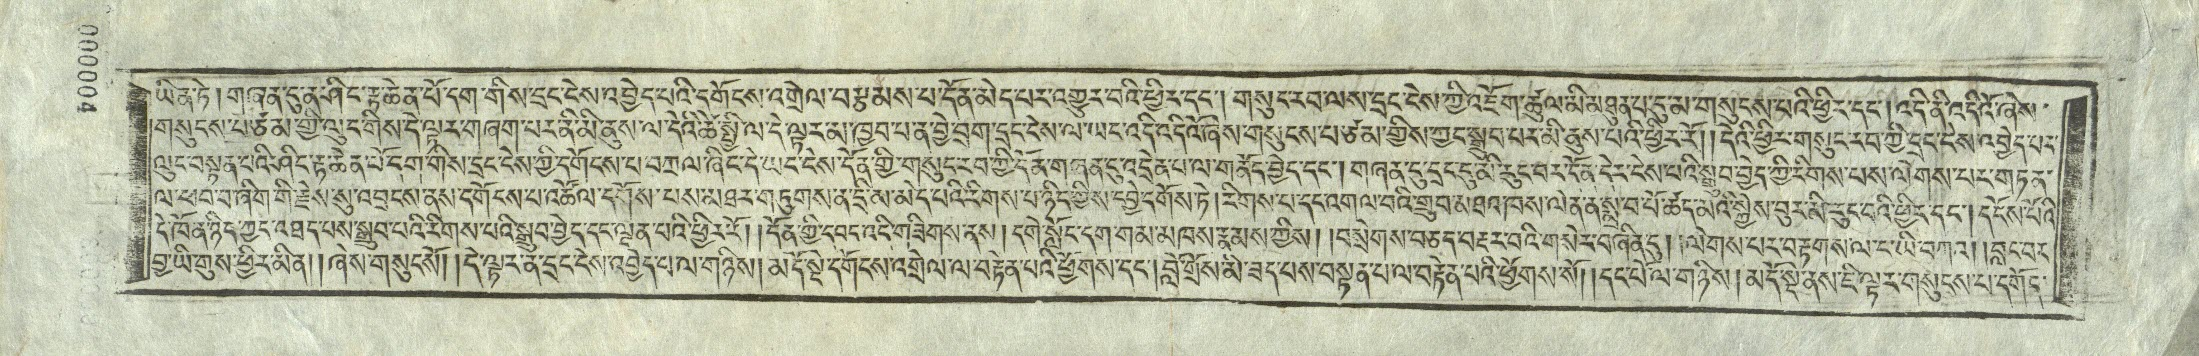ཡིན་ཏེ། གཞན་དུ་ན་ཤིང་རྟ་ཆེན་པོ་དག་གིས་དྲང་ངེས་འབྱེད་བའི་དགོངས་འགྲེལ་བརྩམས་པ་དོན་མེད་པར་འགྱུར་བའི་ཕྱིར་དང་། གསུང་རབ་ལས་དྲང་ངེས་ཀྱི་འཇོག་ཚུལ་མི་མཐུན་པ་དུ་མ་གསུངས་པའི་ཕྱིར་དང་། འདི་ནི་འདིའོ་ཞེས་
གསུངས་པ་ཙམ་གྱི་ལུང་གིས་དེ་ལྟར་གཞག་པར་ནི་མི་ནུས་ལ་དེའི་ཚེ་སྤྱོ་ལ་དེ་ལྟར་མ་ཁྱབ་པ་ན་བྱེ་བྲག་དྲང་ངེས་ལ་ཡང་འདི་འདིའོ་ཞེས་གསུངས་པ་ཙམ་གྱིས་ཀྱང་སྒྲུབ་པར་མི་ནུས་པའི་ཕྱིར་རོ། །དེའི་ཕྱིར་གསུང་རབ་ཀྱི་དྲང་ངེས་འབྱེད་པར་
ལུང་བསྟན་པའི་ཤིང་རྟ་ཆེན་པོ་དག་གིས་དྲང་ངེས་ཀྱི་དགོངས་པ་བཀྲལ་ཞིང་དེ་ཡང་ངེས་དོན་གྱི་གསུང་རབ་ཀྱི་དོན་གཞན་དུ་འདྲེན་པ་ལ་གནོད་བྱེད་དང་། གཞན་དུ་དྲང་དུ་མི་རུང་བར་དོན་དེར་ངེས་པའི་སྒྲུབ་བྱེད་ཀྱི་རིགས་པས་ལེགས་པར་གཏན་
ལ་ཕབ་པ་ཞིག་གི་རྗེས་སུ་འབྲངས་ནས་དགོངས་པ་འཚོལ་དགོས་པས་མཐར་གཏུགས་ན་དྲི་མ་མེད་པའི་རིགས་པ་ཉིད་ཀྱིས་དབྱེ་དགོས་ཏེ། རིགས་པ་དང་འགལ་བའི་གྲུབ་མཐའ་ཁས་ལེན་ན་སྨྲ་བ་པོ་ཚད་མའི་སྐྱེས་བུར་མི་རུང་བའི་ཕྱིར་དང་། དངོས་པོའི་
དེ་ཁོ་ན་ཉིད་ཀྱང་འཐད་བས་སྐྲུབ་པའི་རིགས་པའི་སྒྲུབ་བྱེད་དང་ལྡན་པའི་ཕྱིར་རོ། །དོན་གྱི་དབང་འདི་གཟིགས་ནས། དགེ་སློང་དག་གམ་མཁས་རྣམས་ཀྱིས། །བསྲེགས་བཅད་བརྡར་བའི་གསེར་བཞིན་དུ། །ལེགས་པར་བརྟགས་ལ་ང་ཡི་བཀའ། །བླང་བར་
བྱ་ཡི་གུས་ཕྱིར་མིན། །ཞེས་གསུངས་སོ། །དེ་ལྟར་ན་དྲང་ངེས་འབྱེད་པ་ལ་གཉིས། མདོ་སྡེ་དགོངས་འགྲེལ་ལ་བརྟེན་པའི་ཕྱོགས་དང་། བློ་གྲོས་མི་ཟད་པས་བསྟན་པ་ལ་བརྟེན་པའི་ཕྱོགས་སོ། །དང་པོ་ལ་གཉིས། མདོ་སྡེ་ནས་ཇི་ལྟར་གསུངས་པ་དགོད་